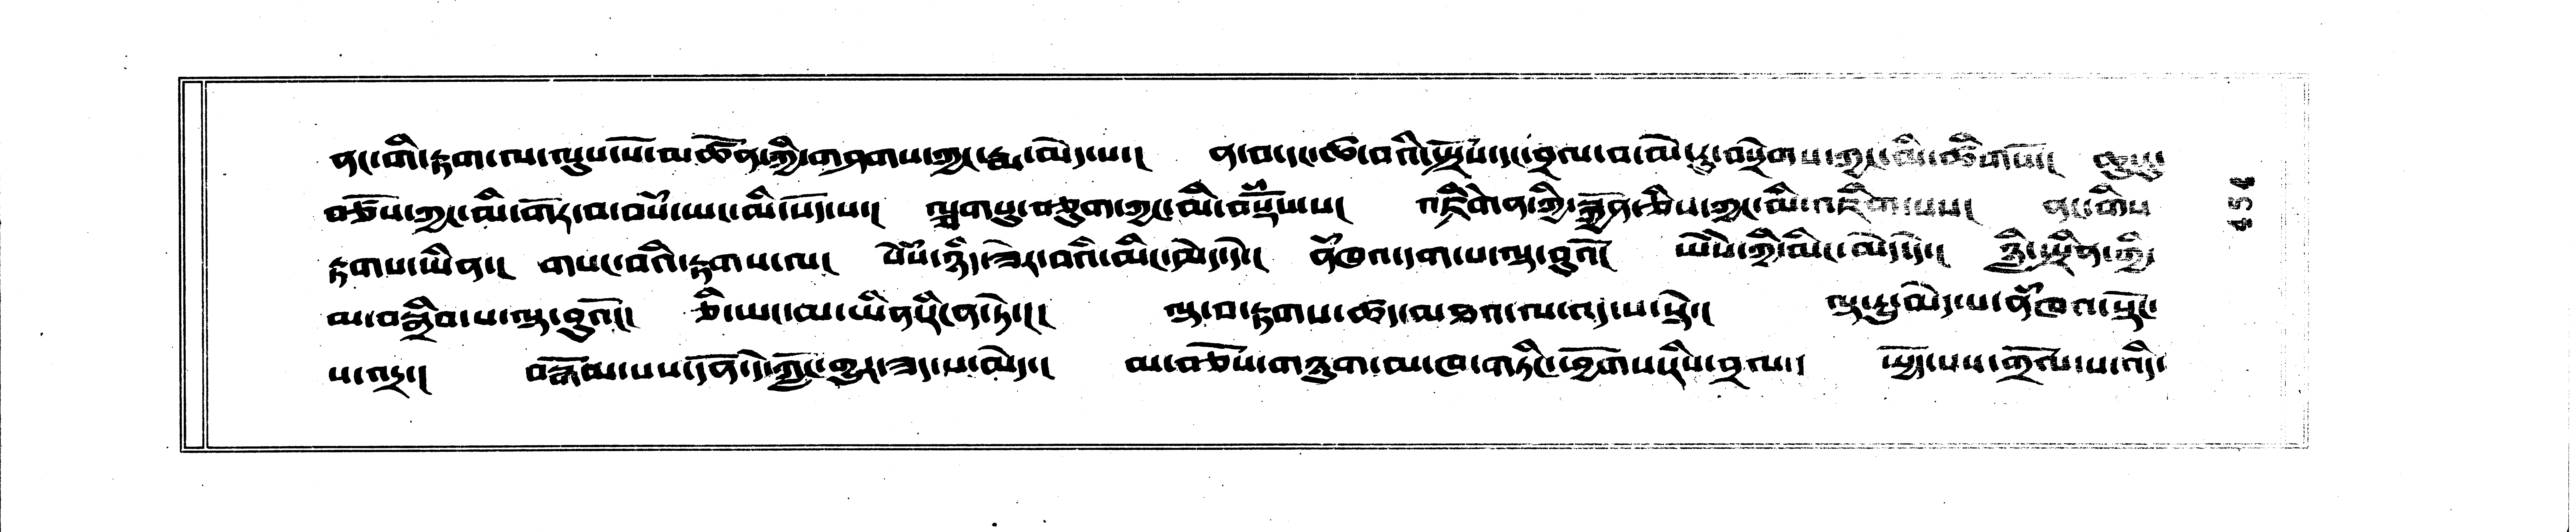ནང་གི་རྟགས་ལ། ལུས་པོ་མཚོན་གྱིས་བཤག་ཀྱང་རྨ་མེད་པའོ། ན་བ་དང་ཚ་བའི་སྤྲོས་པ་བྲལ་བ། མེ་ལ་བསགས་ཀྱང་མི་ཚིགས་པ། ཆུ་ལ་
བཅེབ་ཀྱང་མི་ཁུལ་བ། བསད་དུ་བསམ་ཀྱང་མི་སོད་པ། ལྕགས་སུ་བཅུག་ཀྱང་མི་སྡོམ་པ། འཇིག་རྟེན་གྱིས་རྐྱེན་ཅིས་ཀྱང་མི་ཚུག་པ་ནང་གིས་
རྟག་ཡིན་ནོ། གསང་བའི་རྟགས་ལ། སེམས་ཀྱིས་ཟེར་བའི་མིང་མེད་སྟེ། ནམ་མཁའ་དག་པ་ལྟ་བུའོ། ཡེ་ཤེས་ཀྱིས་མིང་མེད་སྟེ། ཉི་ཟླ་སྤྲིན་གྱིས་
མ་སྒྲིབ་པ་ལྟ་བུའོ། ཅི་ཡང་མ་ཡིན་རང་བཞིན་མེད་སྟེ། ལྟ་བའི་རྟོགས་ཚད་ལས་འདས་ཏེ། ལྟ་རུ་མེད་པ་ནམ་མཁའ་སྟོང་
པ་འདྲ་བ། སྒོམ་པའི་དོན་དེ་ཀློང་འགྱུར་ཟད་པ་ན། མ་བཅོས་གཉུག་མ་མཁའ་སྟེང་ཕྱོགས་རིས་བྲལ། སྤྱོད་པའི་གྲོལ་ས་འདི་